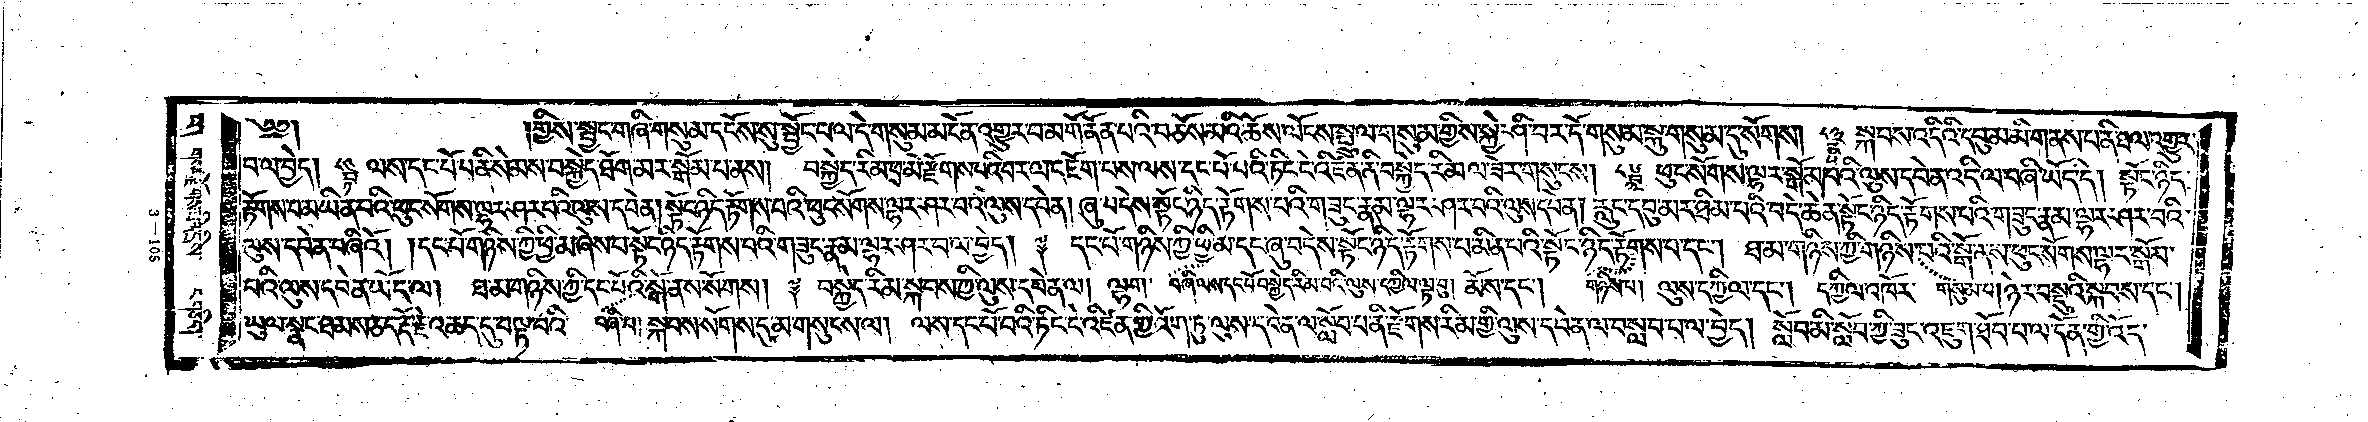༄༅། །གྱིས་སྦྱང་གཞི་གསུམ་དངོས་སུ་སྦྱོང་བ་ལ་དེ་གསུམ་མངོན་འགྱུར་བ་མགོ་ནོན་པའི་བཅོས་མའི་ཆོས་ལོངས་སྤྲུལ་གསུམ་གྱིས་སྐྱེ་ཤི་བར་དོ་གསུམ་སྐུ་གསུམ་དུ་སོགས། ༨༣་སྐབས་འདིའི་དབུ་མ་མི་གནས་པ་ནི་ཐལ་འགྱུར་
བ་ལ་བྱེད། ༨༤་ལས་དང་པོ་བ་ནི་སེམས་བསྐྱེད་ཐོག་མར་སྒོམ་པ་ནས། བསྐྱེད་རིམ་ཕྲ་མོ་རྫོགས་པའི་བར་ལང་ཐོག་པས་ལས་དང་པོ་པའི་ཏིང་ངེ་འཛིན་ནི་བསྐྱེད་རིམ་ལ་ཟེར་གསུངས། ༨༦་ཕུང་སོགས་ལྷར་སྒོམ་པའི་ལུས་དབེན་འདི་ལ་བཞི་ཡོད་དེ། སྟོང་གཉིད་
རྟོགས་པ་མ་ཡིན་པའི་ཕུང་སོགས་ལྷར་ཤར་བའི་ལུས་དབེན། སྟོང་ཉིད་རྟོགས་པའི་ཕུང་སོགས་ལྷར་ཤར་བའི་ལུས་དབེན། ཞུ་བ་དེས་སྟོང་ཉིད་རྟོགས་པའི་གཟུང་རྣམ་ལྷར་ཤར་བའི་ལུས་དབེན། རླུང་དབུ་མར་ཐིམ་པའི་བདེ་ཆེན་སྟོང་ཉིད་རྟོགས་པའི་གཟུང་རྣམ་ལྷར་ཤར་བའི་
ལུས་དབེན་བཞིའོ། །དང་པོ་གཉིས་ཀྱི་ཕྱི་མ་ཞེས་པ་སྟོང་ཉིད་རྟོགས་པའི་གཟུང་རྣམ་ལྷར་ཤར་བ་ལ་བྱེད། ༈ དང་པོ་གཉིས་ཀྱི་ཕྱི་མ་བཞི་ལས་དང་པོ་བསྐྱེད་རིམ་བའི་ལུས་དཀྱིལ་ལྟ་བུ།  དང་ཞུ་བ་དེས་སྟོང་ཉིད་རྟོགས་གཉིས་པ།  པ་མིན་པའི་སྟོང་ཉིད་རྟོགས་པ་དང་། ཐ་མ་གཉིས་ཀྱི་གཉིས་གསུམ་པ།  པའི་སྒོ་ནས་ཕུང་སོགས་ལྷར་སྒོམ་
བའི་ལུས་དབེན་ཡོད་ལ། ཐ་མ་གཉིས་ཀྱི་དང་པོའི་བཞི་བ།  སྒོ་ནས་སོགས། ༈ བསྐྱེད་རིམ་སྐབས་ཀྱི་ལུས་དབེན་ལ། ལྷག་མོས་དང་། ལུས་དཀྱིལ་དང་། དཀྱིལ་འཁོར་གཉེར་བསྡུའི་སྐབས་དང་།
ཡུལ་སྣང་ཐམས་ཅད་རྡོ་རྗེ་འཆད་དུ་བལྟ་བའི། ། བཞི་པ།  སྐབས་སོགས་དུ་མ་གསུང་སླ། ལས་དང་པོ་བའི་ཏིང་ངེ་འཛིན་གྱི་འོག་ཏུ་ལུས་དབེན་ལ་སློབ་པ་ནི་རྫོགས་རིམ་གྱི་ལུས་དབེན་ལ་བསླབ་པ་ལ་བྱེད། སློབ་མི་སློབ་ཀྱི་ཟུང་འཇུག་ཐོབ་པ་ལ་དོན་གྱི་འོད་